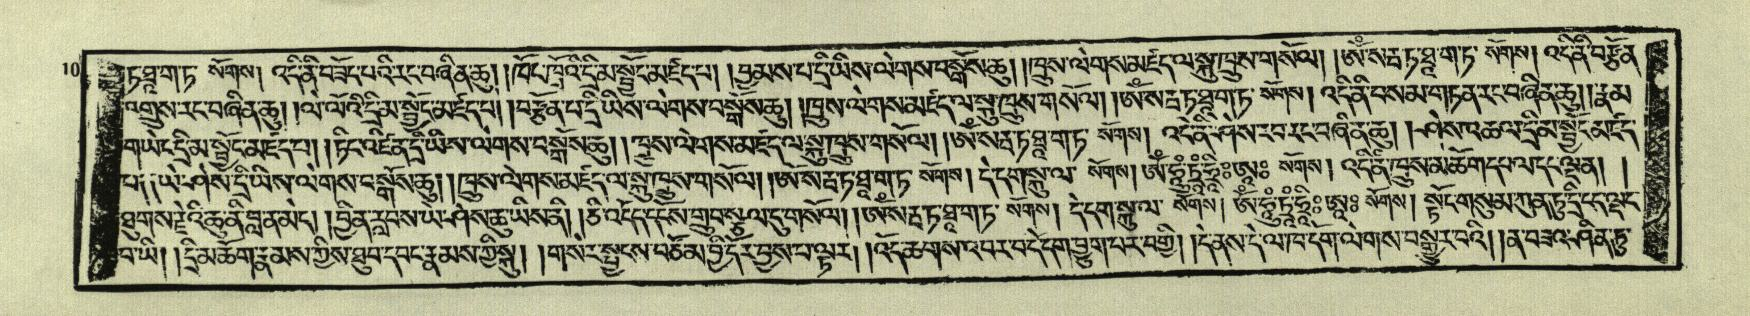ཏ་ཐཱ་ག་ག་སོགས། འདི་ནི་བཟོད་པའི་རང་བཞིན་ཆུ། །ཁོང་ཁྲོའི་དྲི་མ་སྦྱོང་མཛད་པ། །བྱམས་པ་དྲི་ཡིས་ལེགས་བསྒོས་ཆུ། །ཁྲུས་ལེགས་མཛད་ལ་སྐུ་ཁྲུས་གསོལ། །ཨོཾ་སརྦ་ཏ་ཐཱ་ག་ཏ་སོགས། འདི་ནི་བརྩོན་
འགྲུས་རང་བཞིན་ཆུ། །ལེ་ལོའི་དྲི་མ་སྦྱོང་མཛད་པ། །བརྩོན་པ་དྲི་ཡིས་ལེགས་བསྒོས་ཆུ། །ཁྲུས་ལེགས་མཛད་ལ་སྐུ་ཁྲུས་གསོལ། །ཨོཾ་སརྦ་ཏ་ཐཱ་ག་ཏ་སོགས། འདི་ནི་བསམ་གཏན་རང་བཞིན་ཆུ། །རྣམ་
གཡེང་དྲི་མ་སྦྱོང་མཛད་པ། །ཏིང་འཛིན་དྲི་ཡིས་ལེགས་བསྒོས་ཆུ། །ཁྲུས་ལེགས་མཛད་ལ་སྐུ་ཁྲུས་གསོལ། །ཨོཾ་སརྦ་ཏ་ཐཱ་ག་ཏ་སོགས། འདི་ནི་ཤེས་རབ་རང་བཞིན་ཆུ། །ཤེས་འཆལ་དྲི་མ་སྦྱོང་མཛད་
པ། །ཡེ་ཤེས་དྲི་ཡིས་ལེགས་བསྒོས་ཆུ། །ཁྲུས་ལེགས་མཛད་ལ་སྐུ་ཁྲུས་གསོལ། །ཨོ་སརྦ་ཏ་ཐཱ་ག་ཏ་སོགས། དེ་དག་སྐུ་ལ་སོགས། ཨོཾ་ཧཱུཾ་ཏྲཱཾ་ཧྲཱིཿཨཱཿསོགས། འདི་ནི་ཁྲུས་མཆོག་དཔལ་དང་ལྡན། །
ཐུགས་རྗེའི་ཆུ་ནི་བླ་ན་མེད། །བྱིན་རླབས་ཡེ་ཤེས་ཆུ་ཡིས་ནི། །ཅི་འདོད་དངོས་གྲུབ་སྩལ་དུ་གསོལ། །ཨོཾ་སརྦ་ཏ་ཐཱ་ག་ཏ་སོགས། དེ་དག་སྐུ་ལ་སོགས། ཨོཾ་ཧཱུཾ་ཏྲཱཾ་ཧྲཱིཿཨཱཿསོགས། སྟོང་གསུམ་ཀུན་ཏུ་དྲི་ངད་ལྡང་
བ་ཡི། །དྲི་མཆོག་རྣམས་ཀྱིས་ཐུབ་དབང་རྣམས་ཀྱི་སྐུ། །གསེར་སྤྱངས་བཙོ་མ་བྱི་དོར་བྱས་པ་ལྟར། །འོད་ཆགས་འབར་བ་དེ་དག་བྱུག་པར་བགྱི། །དེ་ནས་དེ་ལ་ཁ་དོག་ལེགས་བསྒྱུར་བའི། །ན་བཟའ་ཤིན་ཏུ་